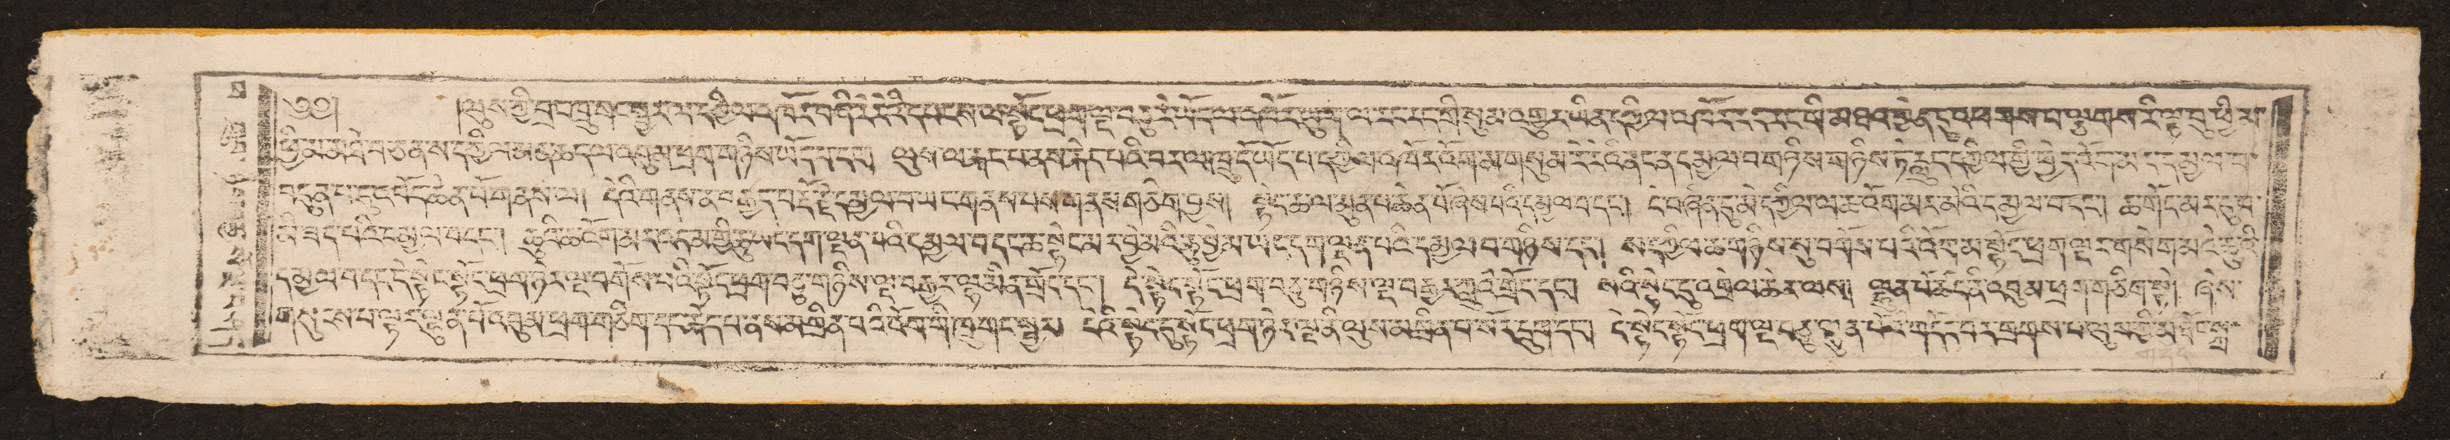༄༅། །ལུས་ཀྱི་བྲང་ཁྲུ་གང་སྦྱར་ལ་དཀྱིལ་འཁོར་བཞི་རེ་རེའི་དབང་ས་ལ་སྟོང་ཕྲག་ལྔ་བཅུ་རེ་ཡོད་ལ་འཁོར་ཡུག་ལ་རང་རང་གི་སུམ་འགྱུར་ཡིན་དཀྱིལ་འཁོར་རང་རང་གི་མཐའ་གྱེན་དུ་འཕགས་པ་ལྕགས་རི་ལྟ་བུ་ཕྱི་མ་
ཕྱི་མ་མཐེ་བ་ཅན་ས་དཀྱིལ་མན་ཆད་ལ་འབུམ་ཕྲག་གཉིས་ཡོད་པ་དང་། ལུས་ལ་རྐང་པ་ནས་རྐེད་པའི་བར་ལ་ཁྲུ་ངོ་ཡོད་པ་དཀྱིལ་འཁོར་འོག་མ་གསུམ་རེ་རེའི་ནང་ན་དམྱལ་བ་གཉིས་གཉིས་ཏེ་རླུང་དཀྱིལ་གྱི་ཕྱེད་འོག་མར་དམྱལ་བ་
བདུན་པ་དུ་འབོད་ཆེན་པོ་གནས་ལ། དེའི་གནས་ན་བརྒྱད་པ་རྡོ་རྗེ་དམྱལ་བ་ཡང་གནས་པས་གནས་གཅིག་བྱས། སྟེང་ཆ་ལ་མུན་པ་ཆེན་པོ་ཞེས་པའི་དམྱལ་བ་དང་། དེ་བཞིན་དུ་མེ་དཀྱིལ་ལ་ཆ་འོག་མར་མེའི་དམྱལ་བ་དང་། ཆ་གོང་མར་དུ་བ་
མི་ཟད་པའི་དམྱལ་བ་དང་། ཆུའི་ཆ་འོག་མར་འདམ་གྱི་ཆུ་ཡང་དག་ལྡན་པའི་དམྱལ་བ་དང་ཆ་སྟེང་མར་བྱེ་མའི་ཆུ་བྱེ་མ་ཡང་དག་ལྡན་པའི་དམྱལ་པ་གཉིས་དང་། ས་དཀྱིལ་ཆ་གཉིས་སུ་བགོས་པའི་འོག་མ་སྟོང་ཕྲག་ལྔར་གསོག་མའི་ཆུའི་
དམྱལ་བ་དང་དེ་སྟེང་སྟོང་ཕྲག་ཉེར་ལྔ་བགོས་པའི་སྟོང་ཕྲག་བཅུ་གཉིས་ལྔ་བརྒྱར་ལྷ་མིན་གྲོང་དང་། དེ་སྟོང་སྟོང་ཕྲག་བཅུ་གཉིས་ལྔ་བརྒྱར་ཀླུའི་གྲོང་དང་། སའི་སྟེང་དུ་འགྲེལ་ཆེན་ལས། ལྷུན་པོ་ཚད་ནི་འབུམ་ཕྲག་གཅིག་སྟེ། ཞེས་
གསུངས་པ་ལྟར་ལྟུན་པོ་འབུམ་ཕྲག་གཅིག་དང་རྐེད་པ་ནས་མགྲིན་པའི་འོག་གི་ཁྲུ་གང་སྦྱར། དེའི་སྟེང་དུ་སྟོང་ཕྲག་ཉེར་ལྔ་ནི་ལུས་མགྲིན་པ་སོར་དྲུག་དང་། དེ་སྟེང་སྟོང་ཕྲག་ལྔ་བཅུ་ལྷུན་པོའི་གདོང་པར་གྲགས་པ་ལུས་ཀྱི་མཐོང་སྐྲ་